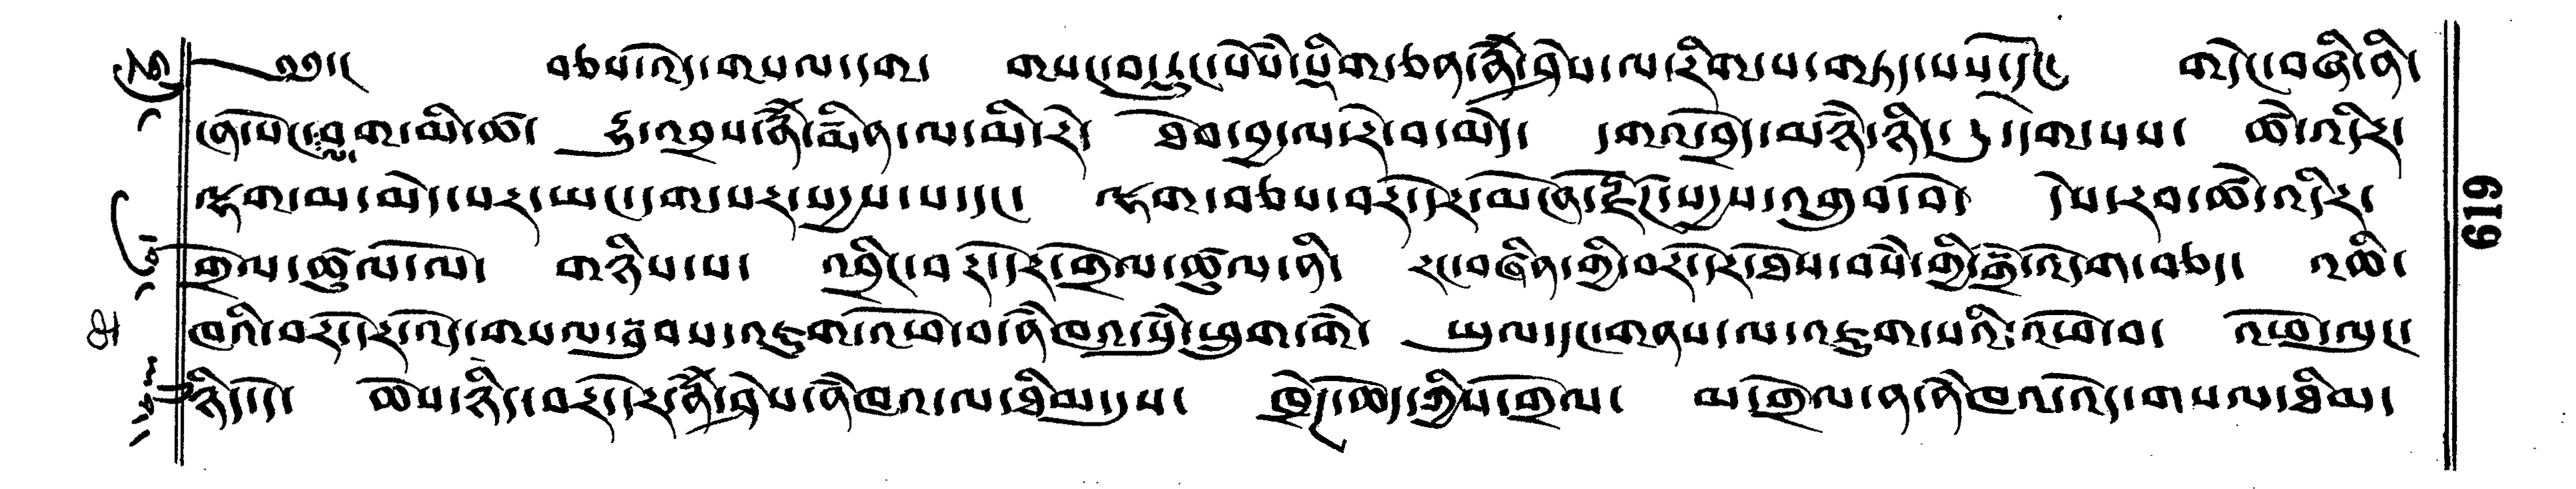བཅས་འོད་གསལ་དུ་དག གསང་བ་རླུང་སེམས་སྡིག་ཅན་གྱི་རྣམ་ཤེས་ལ་རིག་པ་གཏད་པས་དྲོང་། གདེང་བཞི་ནི། 
ངན་སོང་ལ་བག་མི་ཚ། རྒྱུ་འབྲས་རྣམ་སྨིན་ལ་མི་རེ། ཐོབ་བྱ་ལ་རེ་བ་མེད། དགའ་བྲོད་མཉམ་ཉིད་དུ་དག་པས། ཚེ་འདིར་
ལྷག་མ་མེད་པར་ཡང་དག་པར་སངས་རྒྱས་པ་དང་། ལྷག་བཅས་བར་དོར་མངོན་རྫོགས་སངས་རྒྱས་འགྲུབ་བོ། དེས་རབ་ཚེ་འདིར་
གྲོལ་ཚུལ་ལོ། གཉིས་པ། འབྲིང་བར་དོར་གྲོལ་ཚུལ་ནི། རང་བཞིན་གྱི་བར་དོར་ཐོས་བསམ་གྱི་སྒྲོ་འདོགས་བཅད། འཆི་
ཁའི་བར་དོར་འོད་གསལ་སྦུབས་འཇུག་འཕོ་བ་ནམ་མཁའ་སུམ་ཕྲུག་གམ། ཡུལ་དང་གནས་ལ་འཇུག་པའི་འཕོ་བ། འཕོ་ལུང་
ཉིད་དོ། ཆོས་ཉིད་བར་དོར་རྣམ་ཤེས་ནམ་མཁའ་ལ་ཐིམ་དུས། ཁྲེགས་ཆོད་ཀྱིས་གྲོལ། མ་གྲོལ་ན་ནམ་མཁའ་འོད་གསལ་ལ་ཐིམ།